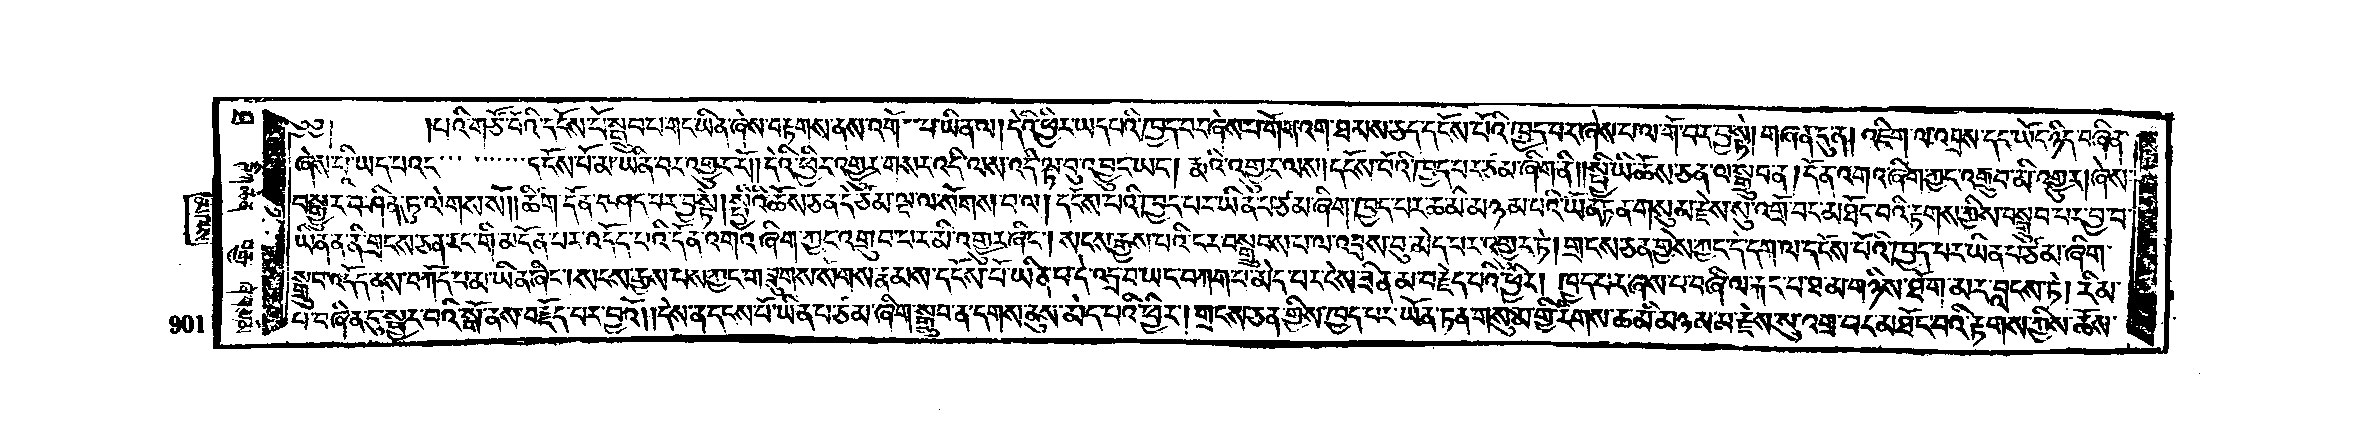༄༅། །པའི་གཙོ་བོའི་དངོས་པོ་སྒྲུབ་པ་གང་ཡིན་ཞེས་བརྟགས་ནས་འགོ་པ་ཡིན་ལ། དེའི་ཕྱིར་ཡོད་པའི་ཁྱད་པར་ཞེས་པ་གོག་འགོ་ཐམས་ཅད་དངོས་པོའི་ཁྱད་པར་ཞེས་པ་ལ་གོ་བར་བྱ་སྟེ། གཞན་དུ་ན། འཇིག་ལ་འབྲས་དང་ཡོད་ཉིད་བཞིན་
ཞེས་པའི་ཡོད་པའང་དངོས་པོ་མ་ཡིན་པར་འགྱུར་རོ། །དེའི་ཕྱིར་འགྱུར་གསར་འདི་ལས་འདི་ལྟ་བུ་འབྱུང་ཡང་། རྨའི་འགྱུར་ལས། དངོས་པོའི་ཁྱད་པར་ཙམ་ཞིག་ནི། །སྤྱི་ཡི་ཆོས་ཅན་ལ་སྒྲུབ་ན། དོན་འགའ་ཞིག་ཀྱང་འགྲུབ་མི་འགྱུར། ཞེས་
བསྒྱུར་བ་ཤིན་ཏུ་ལེགས་སོ། །ཚིག་དོན་བཤད་པར་བྱ་སྟེ། སྤྱིའི་ཆོས་ཅན་དེ་ཙམ་ལྔ་ལ་སོགས་པ་ལ། དངོས་པོའི་ཁྱད་པར་ཡིན་པ་ཙམ་ཞིག་ཁྱད་པར་ཆ་མི་མཉམ་པའི་ཡོན་ཏན་གསུམ་རྗེས་སུ་འགྲོ་བར་མཐོང་བའི་རྟགས་ཀྱིས་བསྒྲུབ་པར་བྱ་བ་
ཡིན་ན་ནི་གྲངས་ཅན་རང་གི་མངོན་པར་འདོད་པའི་དོན་འགའ་ཞིག་ཀྱང་འགྲུབ་པར་མི་འགྱུར་ཞིང་། སངས་རྒྱས་པའི་ངར་བསྒྲུབས་པ་ལ་འབྲས་བུ་མེད་པར་འགྱུར་ཏེ། གྲངས་ཅན་གྱིས་ཀྱང་དེ་དག་ལ་དངོས་པོའི་ཁྱད་པར་ཡིན་པ་ཙམ་ཞིག་
སྒྲུབ་འདོད་ནས་བཀོད་པ་མ་ཡིན་ཞིང་། སངས་རྒྱས་པས་ཀྱང་གཟུགས་སོགས་རྣམས་དངོས་པོ་ཡིན་པ་དེ་འདྲ་བ་ཡང་བཀག་པ་མེད་པར་ངེས་ཟིན་མ་བརྗེད་པའི་ཕྱིར། ཁྱད་པར་ཞེས་པ་བཞི་ལ་རྐང་པ་ཐ་མ་གཉིས་ཐོག་མར་བླངས་ཏེ། རིམ་
པ་བཞིན་དུ་སྦྱར་བའི་སྒོ་ནས་བརྗོད་པར་བྱའོ། །དེས་ན་དངོས་པོ་ཡིན་པ་ཙམ་ཞིག་སྒྲུབ་ན་དགོས་ནུས་མེད་པའི་ཕྱིར། གྲངས་ཅན་གྱིས་ཁྱད་པར་ཡོན་ཏན་གསུམ་གྱི་རིགས་ཆ་མི་མཉམ་མ་རྗེས་སུ་འགྲོ་བར་མཐོང་བའི་རྟགས་ཀྱིས་ཆོས་